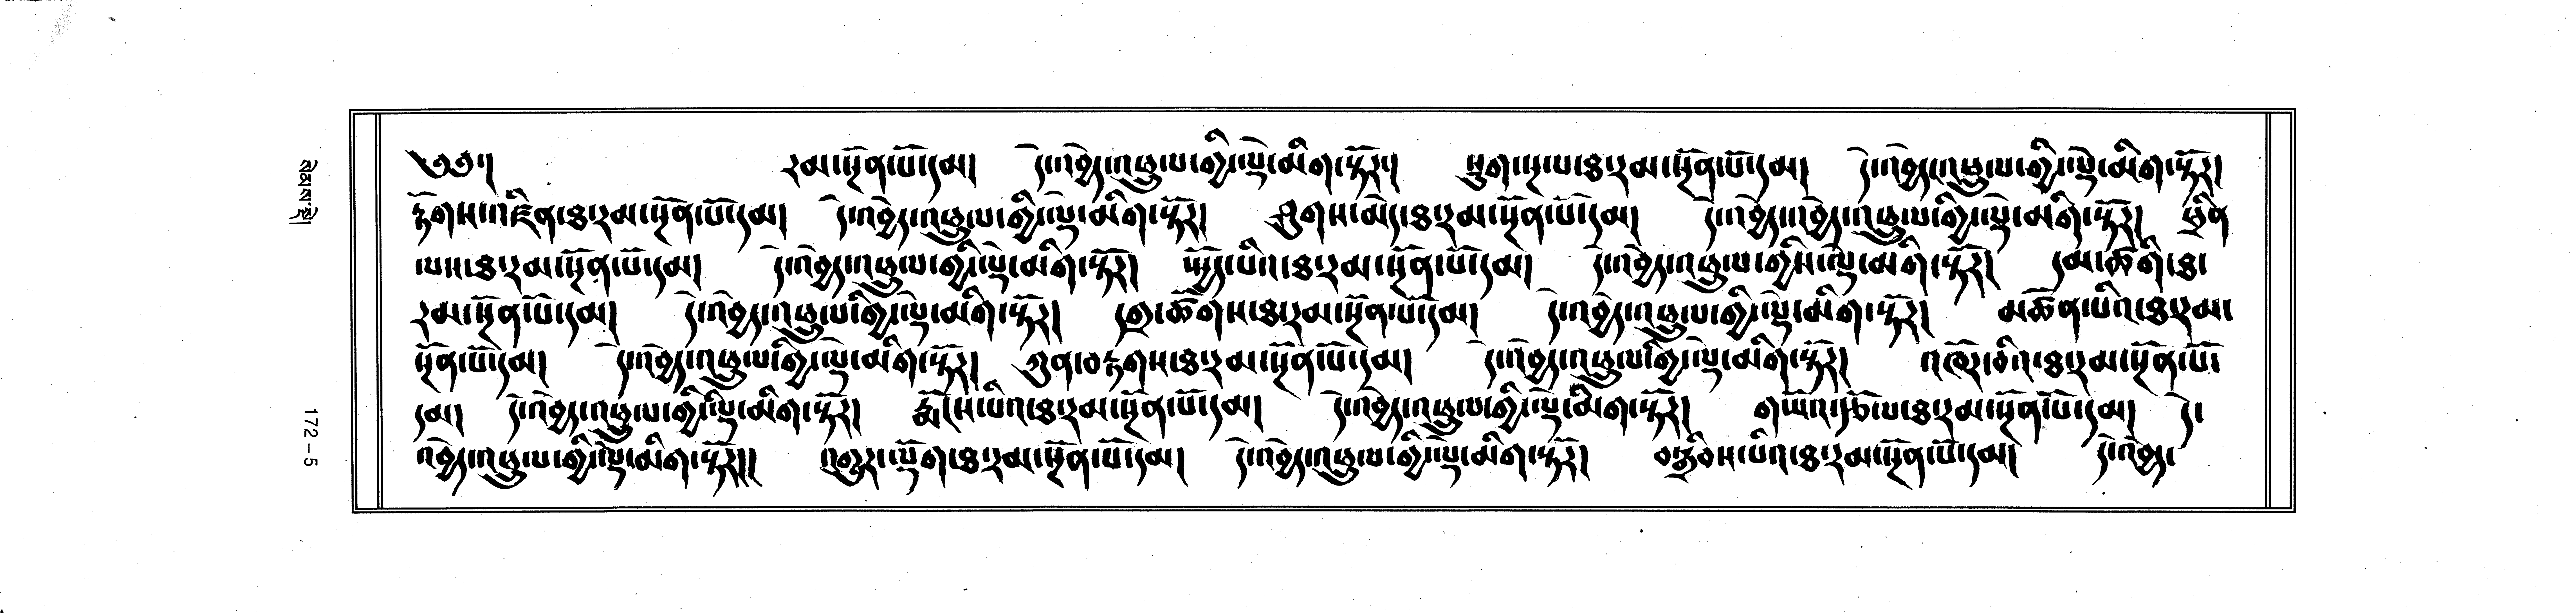རམ་སྔོན་པོ་དམ། དེ་འབྱེད་འཕྲུལ་གྱི་ལྡེ་མིག་སྟོར། སྡུག་བསྔལ་ཐ་རམ་སྔོན་པོ་དམ། དེ་འབྱེད་འཕྲུལ་གྱི་ལྡེ་མིག་སྟོར། 
རྟོགས་འཛིན་ཐ་རམ་སྔོན་པོ་དམ། དེ་འབྱེད་འཕྲུལ་གྱི་ལྡེ་མིག་སྟོར། ཤུགས་མེད་ཐ་རམ་སྔོན་པོ་དམ། དེ་འབྱེད་འཕྲུལ་གྱི་ལྡེ་མིག་སྟོར། ཕྲིན་
ལས་ཐ་རམ་སྔོན་པོ་དམ། དེ་འབྱེད་འཕྲུལ་གྱི་ལྡེ་མིག་སྟོར། སྤྱོད་པའི་ཐ་རམ་སྔོན་པོ་དམ། དེ་འབྱེད་འཕྲུལ་གྱི་ལྡེ་མིག་སྟོར། དམ་ཚིག་ཐ་
རམ་སྔོན་པོ་དམ། དེ་འབྱེད་འཕྲུལ་གྱི་ལྡེ་མིག་སྟོར། དགྲ་ཚོགས་ཐ་རམ་སྔོན་པོ་དམ། དེ་འབྱེད་འཕྲུལ་གྱི་ལྡེ་མིག་སྟོར། མཚོན་པའི་ཐ་རམ་
སྔོན་པོ་དམ། དེ་འབྱེད་འཕྲུལ་གྱི་ལྡེ་མིག་སྟོར། ཀུན་བརྟགས་ཐ་རམ་སྔོན་པོ་དམ། དེ་འབྱེད་འཕྲུལ་གྱི་ལྡེ་མིག་སྟོར། འཁོར་བའི་ཐ་རམ་སྔོན་པོ་
དམ། དེ་འབྱེད་འཕྲུལ་གྱི་ལྡེ་མིག་སྟོར། རྨོངས་པའི་ཐ་རམ་སྔོན་པོ་དམ། དེ་འབྱེད་འཕྲུལ་གྱི་ལྡེ་མིག་སྟོར། གཡོའ་རྩོལ་ཐ་རམ་སྔོན་པོ་དམ། དེ་
འབྱེད་འཕྲུལ་གྱི་ལྡེ་མིག་སྟོར། འགྱུར་ལྡོག་ཐ་རམ་སྔོན་པོ་དམ། དེ་འབྱེད་འཕྲུལ་གྱི་ལྡེ་མིག་སྟོར། བསྒྲིབས་པའི་ཐ་རམ་སྔོན་པོ་དམ། དེ་འབྱེད་